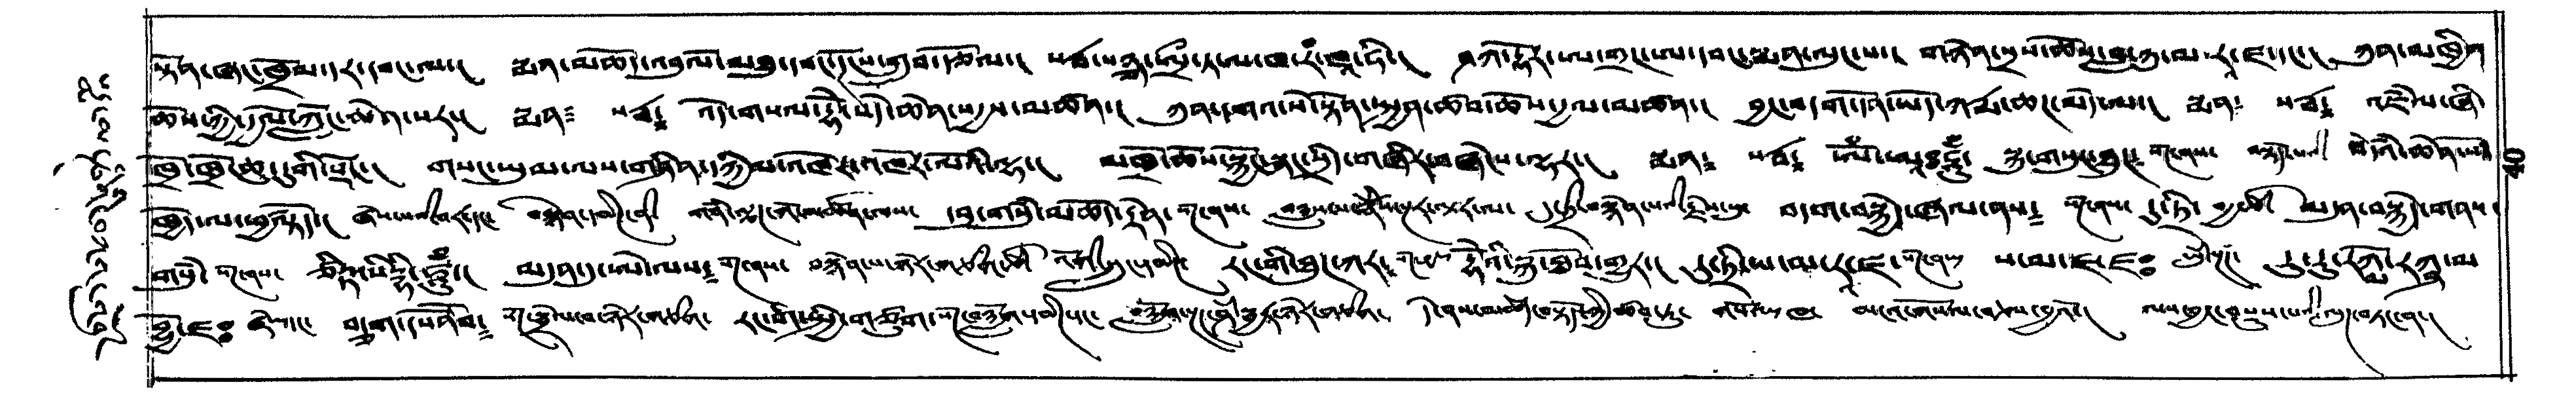སྟོན་ཞང་ཁྲོམ་དར་དབང་ལ། །སྨན་མཆོད་འབུལ་ལོ་མཐུ་དབང་དངོས་གྲུབ་སྩོལ། །སརྦ་པཉྩ་ཨ་མྲྀ་ཏ་ལ་ཁ་རཾ་ཁཱ་ཧི། །ཤཀ་རྡོར་ཨ་གྲགས་ཨ་དབང་སྨན་ལུང་པ། །གཉེན་སྲས་ཆོས་བླ་ཀུ་མ་རཱ་ཛ་དང་། །ཀུན་མཁྱེན་
ཆོས་ཀྱི་རྒྱལ་པོ་ཀློང་ཆེན་པར། །སྨན༴སརྦ༴ འོད་གསལ་རྡོ་རྗེ་བདེ་ཆེན་སངས་རྒྱས་མཚན། །ཀུན་དགའ་སེ་སྟོན་སྤྱན་ཚབ་ཆོས་རྒྱལ་མཚན། །བྱང་བདག་དོན་ཡོད་ཀརྨ་ཆགས་མེད་ལ། །སྨན༴ སརྦ༴ འཇམ་དཔལ་ཞི་
ཁྲོ་ཁྲོ་ཆུ་དུག་གི་སྡོང་། །གསང་ཡུམ་ལས་གཤིན་དཀྱིལ་འཁོར་འཁོར་ལོའི་ལྷ། །མཁའ་འགྲོ་ཆོས་སྐྱོང་སྣང་སྲིད་གཞིར་བཞེངས་ལྷར། །སྨན༴ སརྦ༴ ཨོཾ་ཨཱཿཧཱུྃ༔ སྐུ་གསུང་ཐུགས༴ སོགས་ནས་བསྟོད་པའི། སེམས་དཔའ་ཆེན་པོ་
ཁྱོད་ལ་ཕྱག་འཚལ་བསྟོད༔ ཞེས་པའི་བར་དང་། བསྙེན་དམིགས་ནི། གནམ་ལྕགས་གོ་མཚོན་ལས། དབུ་གསུམ་མཆོད་རྟེན་སོགས་ནས། བཟླས་པ་རྣམས་སྔར་ལྟར་ལ། དུ་ཏྲི་བསྙེན་པའི་རྗེས་སུ། བདག་བསྐྱེད་ཞལ་ནས༴ སོགས་ནས། དུ་ཏྲི༴ བརྒྱ་ཙམ། མདུན་བསྐྱེད་གནས་
གསུམ་སོགས་ནས། ཙིཏྟ་སིདྡྷི་ཧཱུྃ། མདུན་དུ་ཨེ་ལས༴ སོགས་ནས། བསྙེན་པ་ཉེར་གཅིག་ཙམ། འོག་གི་སྲུང་དམིགས། རང་གི་ཐུགས་ཀར༴ སོགས་ནས། རྡོ་རྗེའི་སྐུ་ཐོབ་གྱུར། དུ་ཏྲི་ཡ་མ་རཱ་ཛ༴ སོགས་ནས། ས་མ་ཛ་ཛཿ ཡུམ་སྔགས། རུ་རུ་རཀྨོ་རཀྴ་མ་
བྷྱོ་ཛ༔ ཞེས་དང་། བདག་ཅག་དཔོན་སློབ༴ སོགས་སྦྲེལ་བ་ཉེར་གཅིག རང་གི་སྤྱི་གཙུག ༴སོགས་བཟློག་དམིགས་དང་། བཟློག་སྔགས་ཤམ་སྦྱར་ཉེར་གཅིག དེ་ནས་མཆོད་བསྟོད་ཀྱི་ཚབ་ཏུ་གསོལ་ཁ་མངའ་གསོལ་བཅས་བྱའོ།། ལས་བྱང་བསྡུས་པའི་ལུགས་བཏང་ན།